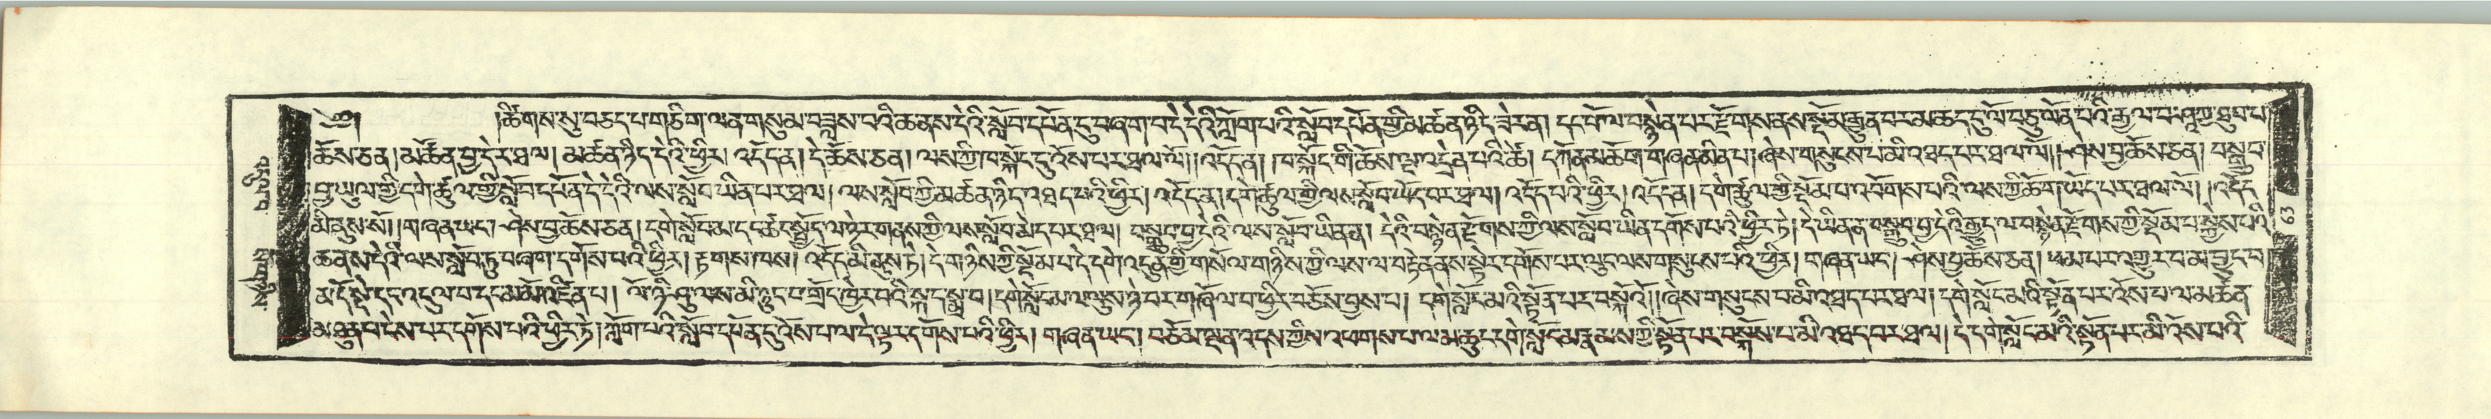༄༅། །ཚིགས་སུ་བཅད་པ་གཅིག་ལན་གསུམ་བཟླས་པའི་ཆ་ནས་དེའི་སློབ་དཔོན་དུ་བཞག་པ་དེ་དེའི་ཀློག་པའི་སློབ་དཔོན་གྱི་མཚན་ཉིད་ཟེར་ན། དང་པོ་ལ་བསྙེན་པར་རྫོགས་ནས་སྡོམ་རྒྱུན་བར་མ་ཆད་དུ་ལོ་བཅུ་ལོན་པའི་རྒྱལ་བ་ཤཱཀྱ་ཐུབ་པ་
ཆོས་ཅན། མཚོན་བྱ་དེར་ཐལ། མཚན་ཉིད་དེའི་ཕྱིར། འདོད་ན། དེ་ཆོས་ཅན། ལས་ཀྱི་ཁ་སྐོང་དུ་འོས་པར་ཐལ་ལོ། །འདོད་ན། ཁ་སྐོང་གི་ཆོས་ལྔ་འདྲེན་པའི་ཚེ། དཀོན་མཆོག་གཞན་མིན་པ། ཞེས་གསུངས་པ་མི་འཐད་པར་ཐལ་ལོ། །ཤེས་བྱ་ཆོས་ཅན། བསྒྲུབ་
བྱ་ཡུལ་གྱི་དགེ་ཚུལ་གྱི་སློབ་དཔོན་དེ་དེའི་ལས་སློབ་ཡིན་པར་ཐལ། ལས་སློབ་ཀྱི་མཚན་ཉིད་འཐད་པའི་ཕྱིར། འདོད་ན། དགེ་ཚུལ་གྱི་ལས་སློབ་ཡོད་པར་ཐལ། འདོད་པའི་ཕྱིར། འདོད་ན། དགེ་ཚུལ་གྱི་སྡོམ་པ་འབོགས་པའི་ལས་ཀྱི་ཆོ་ག་ཡོད་པར་ཐལ་ལོ། །འདོད་
མི་ནུས་སོ། །གཞན་ཡང་། ཤེས་བྱ་ཆོས་ཅན། དགེ་སློབ་མ་དང་ཚང་སྤྱོད་ལ་ཉེར་གནས་ཀྱི་ལས་སློབ་མེད་པར་ཐལ། བསྒྲུབ་བྱ་དེའི་ལས་སློབ་ཡིན་ན། དེའི་བསྙེན་རྫོགས་ཀྱི་ལས་སློབ་ཡིན་དགོས་པའི་ཕྱིར་ཏེ། དེ་ཡིན་ན་བསྒྲུབ་བྱ་དེའི་རྒྱུད་ལ་བསྙེན་རྫོགས་ཀྱི་སྡོམ་པ་སྐྱེས་པའི་
ཆ་ནས་དེའི་ལས་སློབ་ཏུ་བཞག་དགོས་པའི་ཕྱིར། རྟགས་ཁས། འདོད་མི་ནུས་ཏེ། དེ་གཉིས་ཀྱི་སྡོམ་པ་དེ་དགེ་འདུན་གྱི་གསོལ་གཉིས་ཀྱི་ལས་ལ་བརྟེན་ནས་སྟེར་དགོས་པར་ལུང་ལས་གསུངས་པའི་ཕྱིར། གཞན་ཡང་། ཤེས་བྱ་ཆོས་ཅན། ཕམ་པར་འགྱུར་བ་མ་བྱུང་བ་
མདོ་སྡེ་དང་འདུལ་བ་དང་མ་མོ་འཛིན་པ། ལོ་ཉི་ཤུ་ལས་མི་ཉུང་བ་གྲོང་ཁྱེར་བའི་སྐད་སྨྲ་བ། དགེ་སློང་མ་ལ་ལུས་ཉེ་བར་གཞོལ་བ་ཕྱིར་བཅོས་བྱས་པ། དགེ་སློང་མའི་སྟོན་པར་བསྐོའོ། །ཞེས་གསུངས་པ་མི་འཐད་པར་ཐལ། དགེ་སློང་མའི་སྟོན་པར་འོས་པ་ལ་མཚན་
མཐུན་པ་ངེས་པར་དགོས་པའི་ཕྱིར་ཏེ། ཀློག་པའི་སློབ་དཔོན་དུ་འོས་པ་ལ་དེ་ལྟར་དགོས་པའི་ཕྱིར། གཞན་ཡང་། བཅོམ་ལྡན་འདས་ཀྱིས་འཕགས་པ་ལམ་ཆུང་དགེ་སློང་མ་རྣམས་ཀྱི་སྟོན་པར་བསྐོས་པ་མི་འཐད་པར་ཐལ། དེ་དགེ་སློང་མའི་སྟོན་པར་མི་འོས་པའི་